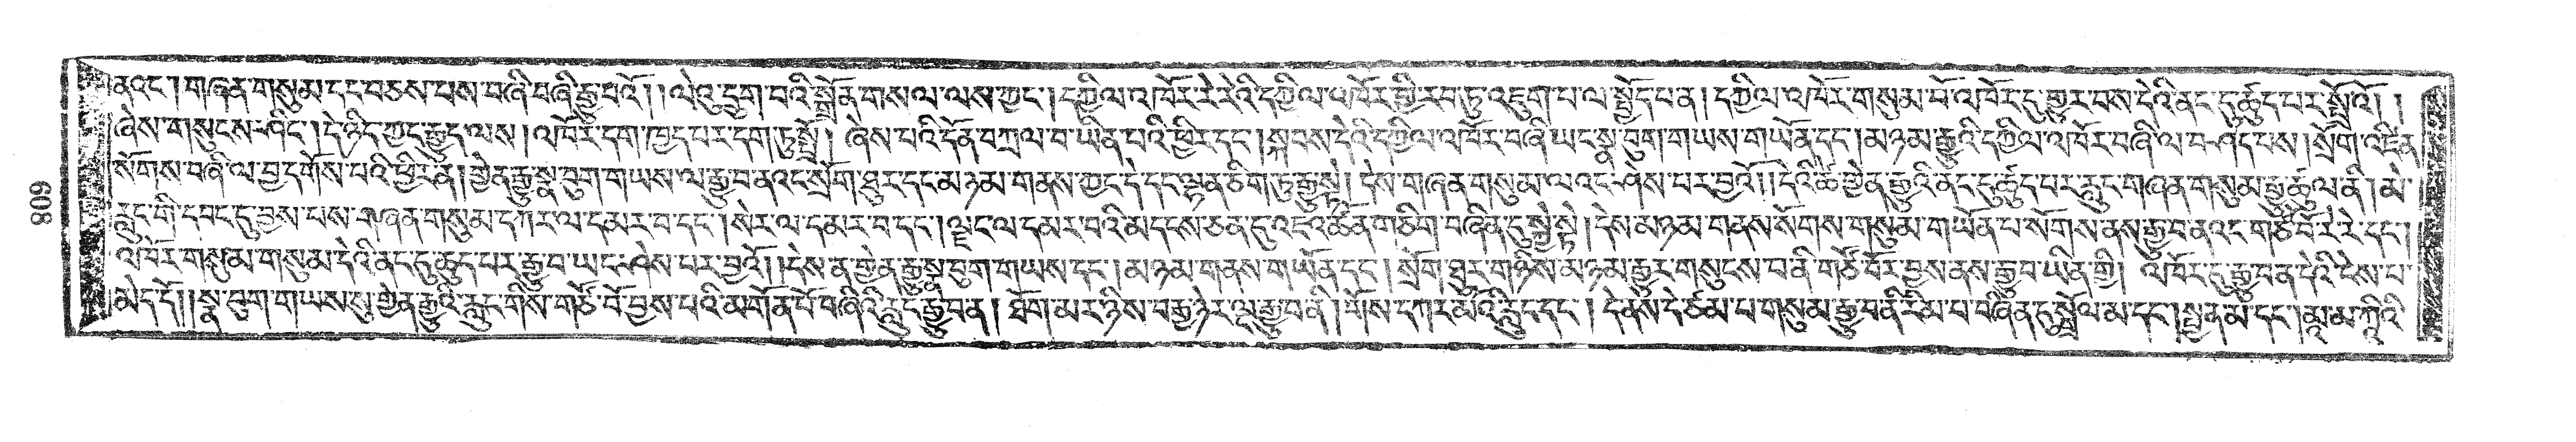ནའང་། གཞན་གསུམ་དང་བཅས་པས་བཞི་བཞི་རྒྱུ་བའོ། །ལེའུ་དྲུག་པའི་སྒྲོན་གསལ་ལས་ཀྱང་། དཀྱིལ་འཁོར་རེ་རེའི་དཀྱིལ་འཁོར་གྱི་རབ་ཏུ་འཇུག་པ་ལ་སྤྱོད་པ་ན། དཀྱིལ་འཁོར་གསུམ་པོ་འཁོར་དུ་གྱུར་བས་དེའི་ནང་དུ་ཚུད་པར་སྤྲོའོ། །
ཞེས་གསུངས་ཤིང་། དེ་ཉིད་ཀྱང་རྒྱུད་ལས། འཁོར་དག་ཁྱད་པར་དག་ཏུ་སྤྲོ། ཞེས་པའི་དོན་བཀྲལ་བ་ཡིན་པའི་ཕྱིར་དང་། སྐབས་དེའི་དཀྱིལ་འཁོར་བཞི་ཡང་སྣ་བུག་གཡས་གཡོན་དང་། མཉམ་རྒྱུའི་དཀྱིལ་འཁོར་བཞི་ལ་བཤད་པས། སྲོག་འཛིན་
སོགས་བཞི་ལ་བྱ་དགོས་པའི་ཕྱིར་ན། གྱེན་རྒྱུ་སྣ་བུག་གཡས་ལ་རྒྱུ་བ་ནའང་སྲེག་ཐུར་དང་མཉམ་གནས་ཀྱང་དེ་དང་ལྷན་ཅིག་ཏུ་རྒྱུ་སྟེ། དེས་གཞན་གསུམ་ལའང་ཤེས་པར་བྱའོ། །དེའི་ཚེ་གྱེན་རྒྱུའི་ནང་དུ་ཚུད་པར་རླུང་གཞན་གསུམ་རྒྱུ་ཚུལ་ནི། མེ་
རླུང་གི་དབང་དུ་བྱས་པས་གཞན་གསུམ་ཀར་ལ་དམར་བ་དང་། སེར་ལ་དམར་བ་དང་། ལྗང་ལ་དམར་བའི་མདངས་ཅན་དུ་འཇའ་ཚོན་གཅིག་བཞིན་དུ་སྐྱེ་སྟེ། དེས་མཉམ་གནས་སོགས་གསུམ་གཡོན་པ་སོགས་ནས་རྒྱུ་བ་ནའང་གཙོ་བོ་རེ་རེ་དང་།
འཁོར་གསུམ་གསུམ་དེའི་ནང་དུ་ཆུད་པར་རྒྱུ་བ་ཡང་ཤེས་པར་བྱའོ། །དེས་ན་གྱེན་རྒྱུ་སྣ་བུག་གཡས་དང་། མཉམ་གནས་གཡོན་དང་། སྲོག་ཐུར་གཉིས་མཉམ་རྒྱུར་གསུངས་པ་ནི་གཙོ་བོར་བྱས་ནས་རྒྱུ་བ་ཡིན་གྱི། འཁོར་དུ་རྒྱུ་བ་ན་དེའི་ངེས་པ་
མེད་དོ། །སྣ་བུག་གཡས་སུ་གྱེན་རྒྱུའི་རླུང་གིས་གཙོ་བོ་བྱས་པའི་མགོན་པོ་བཞིའི་རླུང་རྒྱུ་བ་ན། ཐོག་མར་ཉིས་བརྒྱ་ཉེར་ལྔ་རྒྱུ་བ་ནི། གོས་དཀར་མོའི་རླུང་དང་། དེ་ནས་དེ་ཙམ་པ་གསུམ་རྒྱུ་བ་ནི་རིམ་པ་བཞིན་དུ་སྒྲོན་མ་དང་། སྤྱན་མ་དང་། མཱ་མ་ཀཱིའི་